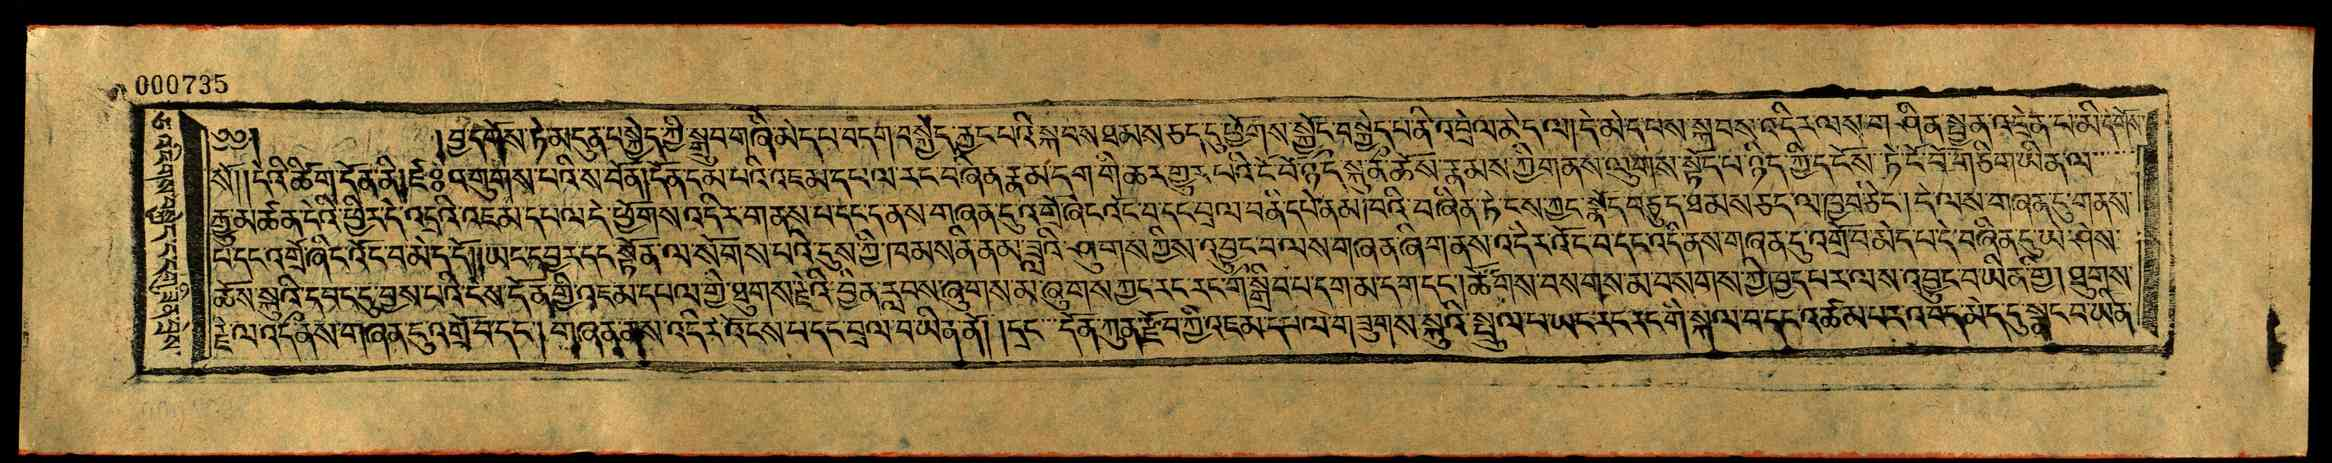༄༅། །བྱ་དགོས་ཏེ་མདུད་བསྐྱེད་ཀྱི་སྒྲུབ་གཞི་མེད་པ་བདག་བསྐྱེད་རྐྱང་པའི་སྐབས་ཐམས་ཅད་དུ་ཕྱོགས་སྐྱོང་བསྐྱེད་པ་ནི་འབྲེལ་མེད་ལ། དེ་མེད་པས་སྐབས་འདིར་ལས་གཤིན་སྤྱན་འདྲེན་པ་མི་དགོས་
སོ༑ ༑དེའི་ཚིག་དོན་ནི། ཛཿ འགུགས་པའི་ས་བོན། དོན་དམ་པའི་འཇམ་དཔལ་རང་བཞིན་རྣམ་དག་གི་ཆར་གྱུར་པའི་ངོ་བོ་ཉིད་སྐུ་ནི་ཆོས་རྣམས་ཀྱི་གནས་ལུགས་སྟོང་པ་ཉིད་ཀྱི་དངོས་ཏེ་ངོ་བོ་གཅིག་ཡིན་ལ་
རྒྱུ་མཚན་དེའི་ཕྱིར་དེ་འདྲའི་འཇམ་དཔལ་དེ་ཕྱོགས་འདིར་གནས་པ་དང་དེ་ནས་གཞན་དུ་འགྲོ་ཞིང་འོང་བ་དང་བྲལ་བ་ནི་དཔེ་ནམ་མཁའ་བཞིན་ཏེ་དེས་ཀྱང་སྣོད་བཅུད་ཐམས་ཅད་ལ་ཁྱབ་ཅིང་། དེ་ལས་གཞན་དུ་གནས་
པ་དང་འགྲོ་ཞིང་འོང་བ་མེད་དོ། །ཡང་དབྱར་དང་སྟོན་ལ་སོགས་པའི་དུས་ཀྱི་ཁམས་ནི་ནམ་ཟླའི་ཤུགས་ཀྱིས་འབྱུང་བ་ལས་གཞན་ཞིག་ནས་འདིར་འོང་བ་དང་འདི་ནས་གཞན་དུ་འགྲོ་བ་མེད་པ་དེ་བཞིན་དུ་ཡེ་ཤེས་
ཆོས་སྐུའི་དབང་དུ་བྱས་པའི་ངེས་དོན་གྱི་འཇམ་དཔལ་གྱི་ཐུགས་རྗེའི་བྱིན་རླབས་ཞུགས་མ་ཞུགས་ཀྱང་རང་རང་གི་སྒྲིབ་པ་དག་མ་དག་དང་། ཚོགས་བསགས་མ་བསགས་ཀྱི་ཁྱད་པར་ལས་འབྱུང་བ་ཡིན་གྱི། ཐུགས་
རྗེ་ལ་འདི་ནས་གཞན་དུ་འགྲོ་བ་དང་། གཞན་ནས་འདིར་འོངས་པ་དང་བྲལ་བ་ཡིན་ནོ། །དྲང་དོན་ཀུན་རྫོབ་ཀྱི་འཇམ་དཔལ་གཟུགས་སྐུའི་སྤྲུལ་པ་ཡང་རང་རང་གི་སྐལ་བ་དང་འཚམ་པར་འབད་མེད་དུ་སྣང་བ་ཡིན་